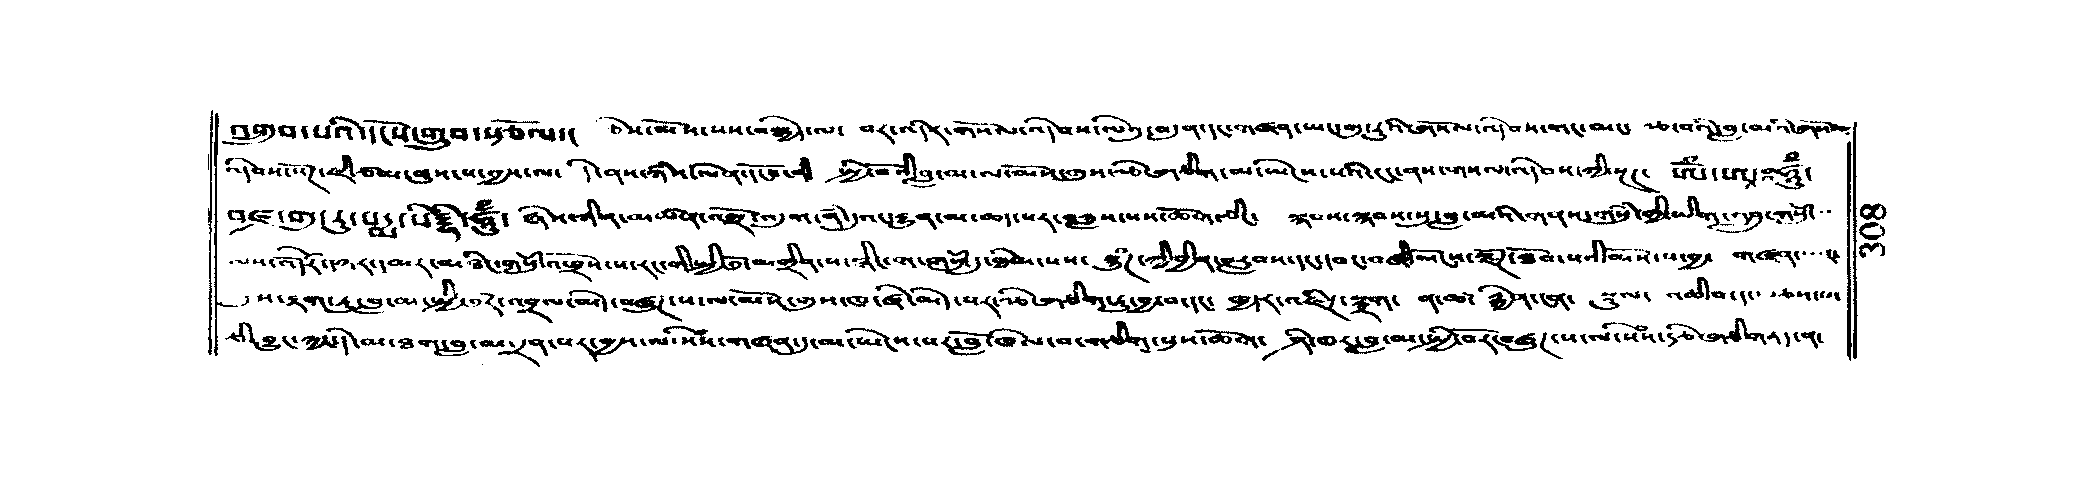འགྲུབ་པའི་དངོས་གྲུབ་སྩོལ། ཅེས་མོས་པས་བསྐྱེད་ལ། བར་འདིར་གསོལ་འདེབས་ལེའུ་བདུན་དང་གཞན་ཡང་གུ་རུའི་གསོལ་
འདེབས་གང་མང་། རྩ་བའི་བླ་མའི་གསོལ་འདེབས་སོགས་ཇི་ཙམ་ནུས་པ་བྱས་ལ། དེ་ནས་ཉམས་ལེན་དངོས་ནི། སྤྱི་བོའི་བླ་མ་ལ་མོས་གུས་རྩེ་གཅིག་མ་ཡེངས་པའི་ངང་ནས་གསལ་འདེབས་ཀྱི་སྔགས། ཨོཾ་ཨཱཿཧཱུྃ་
བཛྲ་གུ་རུ་པདྨ་སིདྡྷི་ཧཱུྃ། ཞེས་ཉིན་མཚན་འགྲོ་འདུག་ནམ་དུའང་རྒྱུན་མ་ཆད་པར་བཟླས་པས་ཆོག་ཅིང་། སྐབས་སྐབས་སུ་བླ་མའི་གནས་གསུམ་གྱི་ཡིག་འབྲུ་གསུམ་
ལས་འོད་ཟེར་དཀར་དམར་མཐིང་གསུམ་འཕྲོས་པ་རང་གི་སྤྱི་བོ་མགྲིན་པ་སྙིང་ག་གསུམ་དུ་ཐིམ་པས། སྐུ་གསུང་ཐུགས་ཀྱི་བྱིན་བརླབས་དང་དབང་བཞི་ཡོངས་རྫོགས་ཐོབ་པའི་མོས་པ་བྱ། གཞན་
ཡང་དུས་རྟག་ཏུ་བླ་མ་སྤྱི་བོར་འབྲལ་མེད་བཞུགས་པ་ལ་མོས་གུས་ཁ་ཞེ་མེད་པར་རྩེ་གཅིག་ཏུ་བྱ་བ་དང་། ཁྱད་པར་འཇིགས་སྐྲགན་ཚ། རྐྱེན་ངན། སྡུག་བསྔལ། འཆི་བ་དང་བཅས་པ་
ཅི་བྱུང་ཡང་དེ་མ་ཐག་བླ་མ་དྲན་པར་བྱས་ལ་སེམས་གཞན་དུ་མ་ཡེངས་པར་བློ་ཁེལ་བ་གཅིག་པུས་ཆོག ཤི་ཁར་བླ་མ་སྤྱི་བོར་བཞུགས་པ་ལ་སེམས་རྩེ་གཅིག་གཏད་ན་